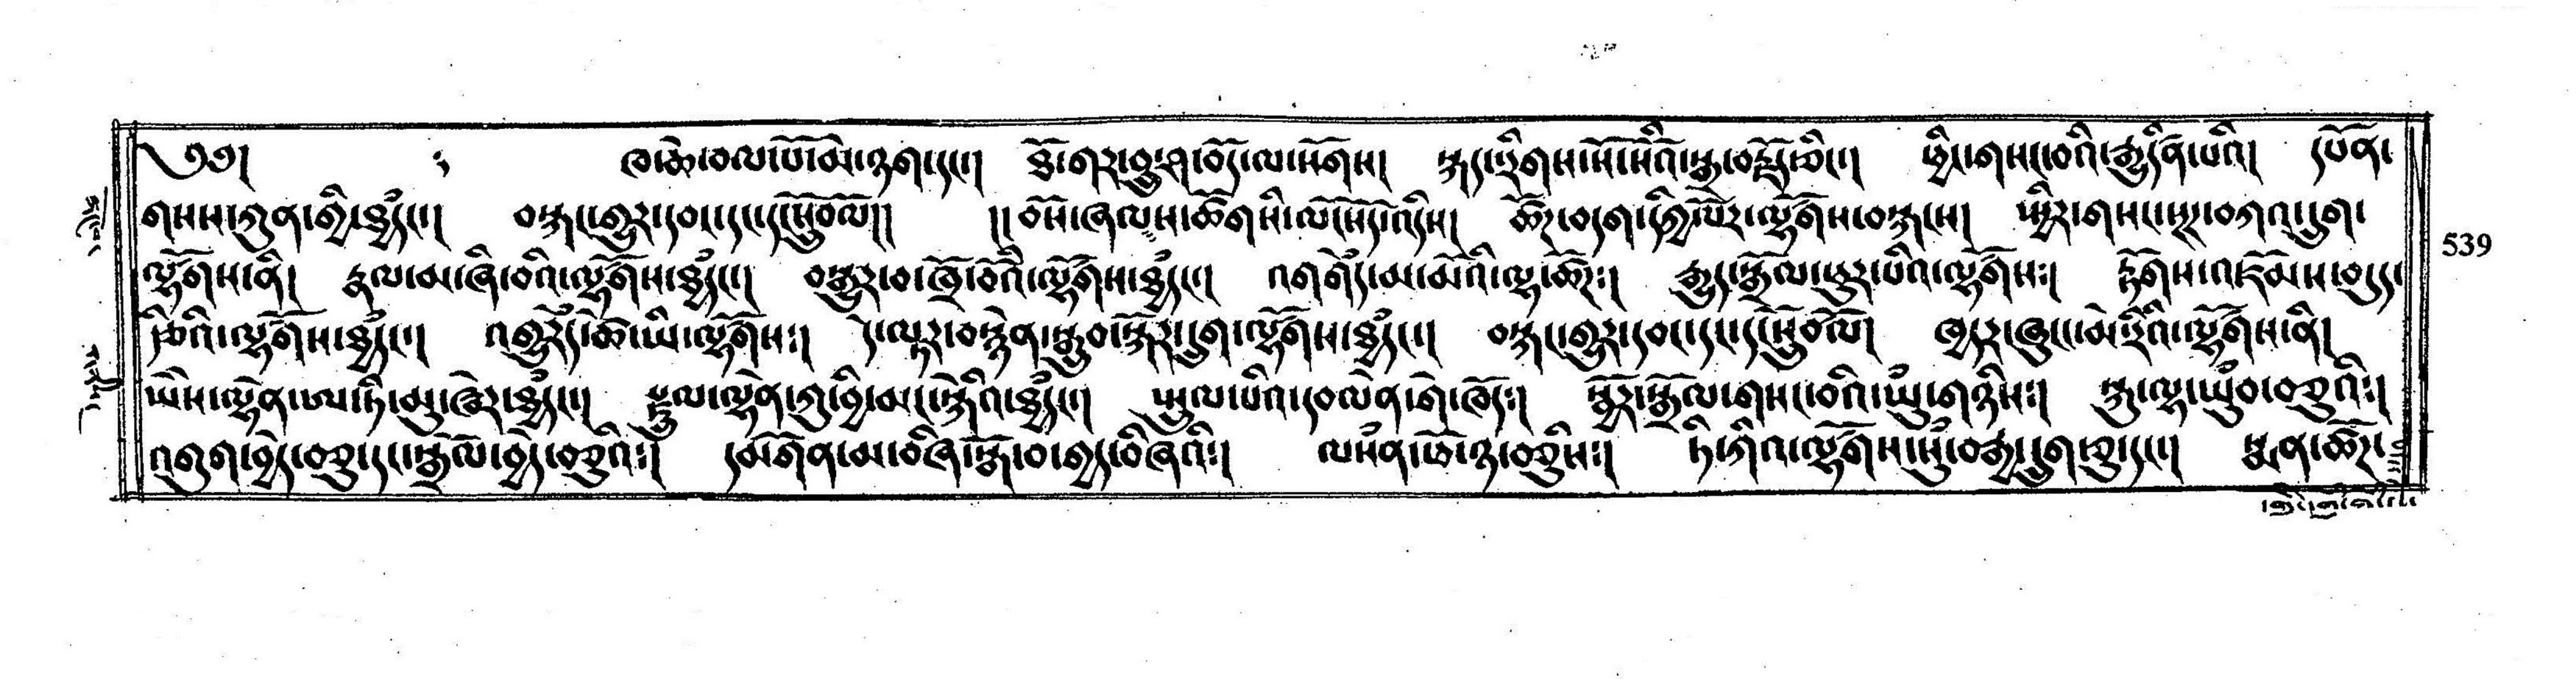ཁ་ཆེ་བལ་པོ་མེ་ཉག་དང་། ཐོ་གར་བྲུ་ཤ་བོད་ལ་སོགས། སྐད་རིགས་སོ་སོའི་སྒྲ་བརྗོད་ཅིང་། ཕྱི་ནང་གསང་བའི་རྒྱུད་འཛིན་པའི། དཔོན་
གསས་ཀུན་གྱི་ཐུགས་དམ་བསྐང་། བསྐང་གྱུར་དབང་དང་དངོས་གྲུབ་སྩོལ།། །།བསོ་ཞལ་ཟས་ཚོགས་ཀྱི་ལོངས་སྤྱོད་འདིས། ཚོགས་བདག་དཀྱིལ་འཁོར་ལྷ་ཚོགས་བསྐངས། སྤྱིར་གསང་སྔགས་བཀའ་དྲུག་
ལྷ་ཚོགས་ནི། རྣལ་མ་ཞི་བའི་ལྷ་ཚོགས་ཐུགས་དམ་བསྐང་། བསྒྱུར་བ་ཁྲོ་བོའི་ལྷ་ཚོགས་ཐུགས་དམ་བསྐང་། འགག་མེད་མ་མོའི་ལྷ་ཚོགས༴། རྒྱུད་སྒྲོལ་ཕུར་པའི་ལྷ་ཚོགས༴། རྟོགས་འཇོམས་བདུད་
རྩིའི་ལྷ་ཚོགས་ཐུགས་དམ་བསྐང་། འགྱུར་མེད་ཚེ་ཡི་ལྷ་ཚོགས༴། དེ་ལྟར་བསྙེན་སྒྲུབ་སྐོར་དྲུག་ལྷ་ཚོགས་ཐུགས་དམ་བསྐང་། བསྐང་གྱུར་དབང་དང་དངོས་གྲུབ་སྩོལ། ཁྱད་པར་ཞང་ཞུང་མེ་རིའི་ལྷ་ཚོགས་ནི། 
ཡེ་ཤེས་ལྷ་ཆེན་ཨ་ཏི་མུ་ཝེར་ཐུགས་དམ་བསྐང་། རྫུ་འཕྲུལ་ལྷ་ཆེན་ཀུ་བྱི་མང་སྐེའི་ཐུགས་དམ་བསྐང་། སྤྲུལ་པའི་དབལ་ཆེན་གེ་ཁོད༴། སྦྱོར་སྒྲོལ་གསང་བའི་ཡུམ་གཉིས༴། སྐུ་ལྷ་ཡབ་ཡུམ་བཅུའི༴། 
འགུག་བྱེད་བཅུ་དང་སྒྲོལ་བྱེད་བཅུའི༴། དམག་དཔོན་མ་བཞི་སྒོ་བ་གྱད་བཞིའི༴། ལས་མཁན་ཕོ་ཉ་བཅུ་གཉིས༴། ཏི་ཀའི་ལྷ་ཚོགས་སུམ་བརྒྱ་དྲུག་ཅུ་དང་། སྨན་ཚོགས་དགུ་ཁྲི་དགུ་འབུམ་